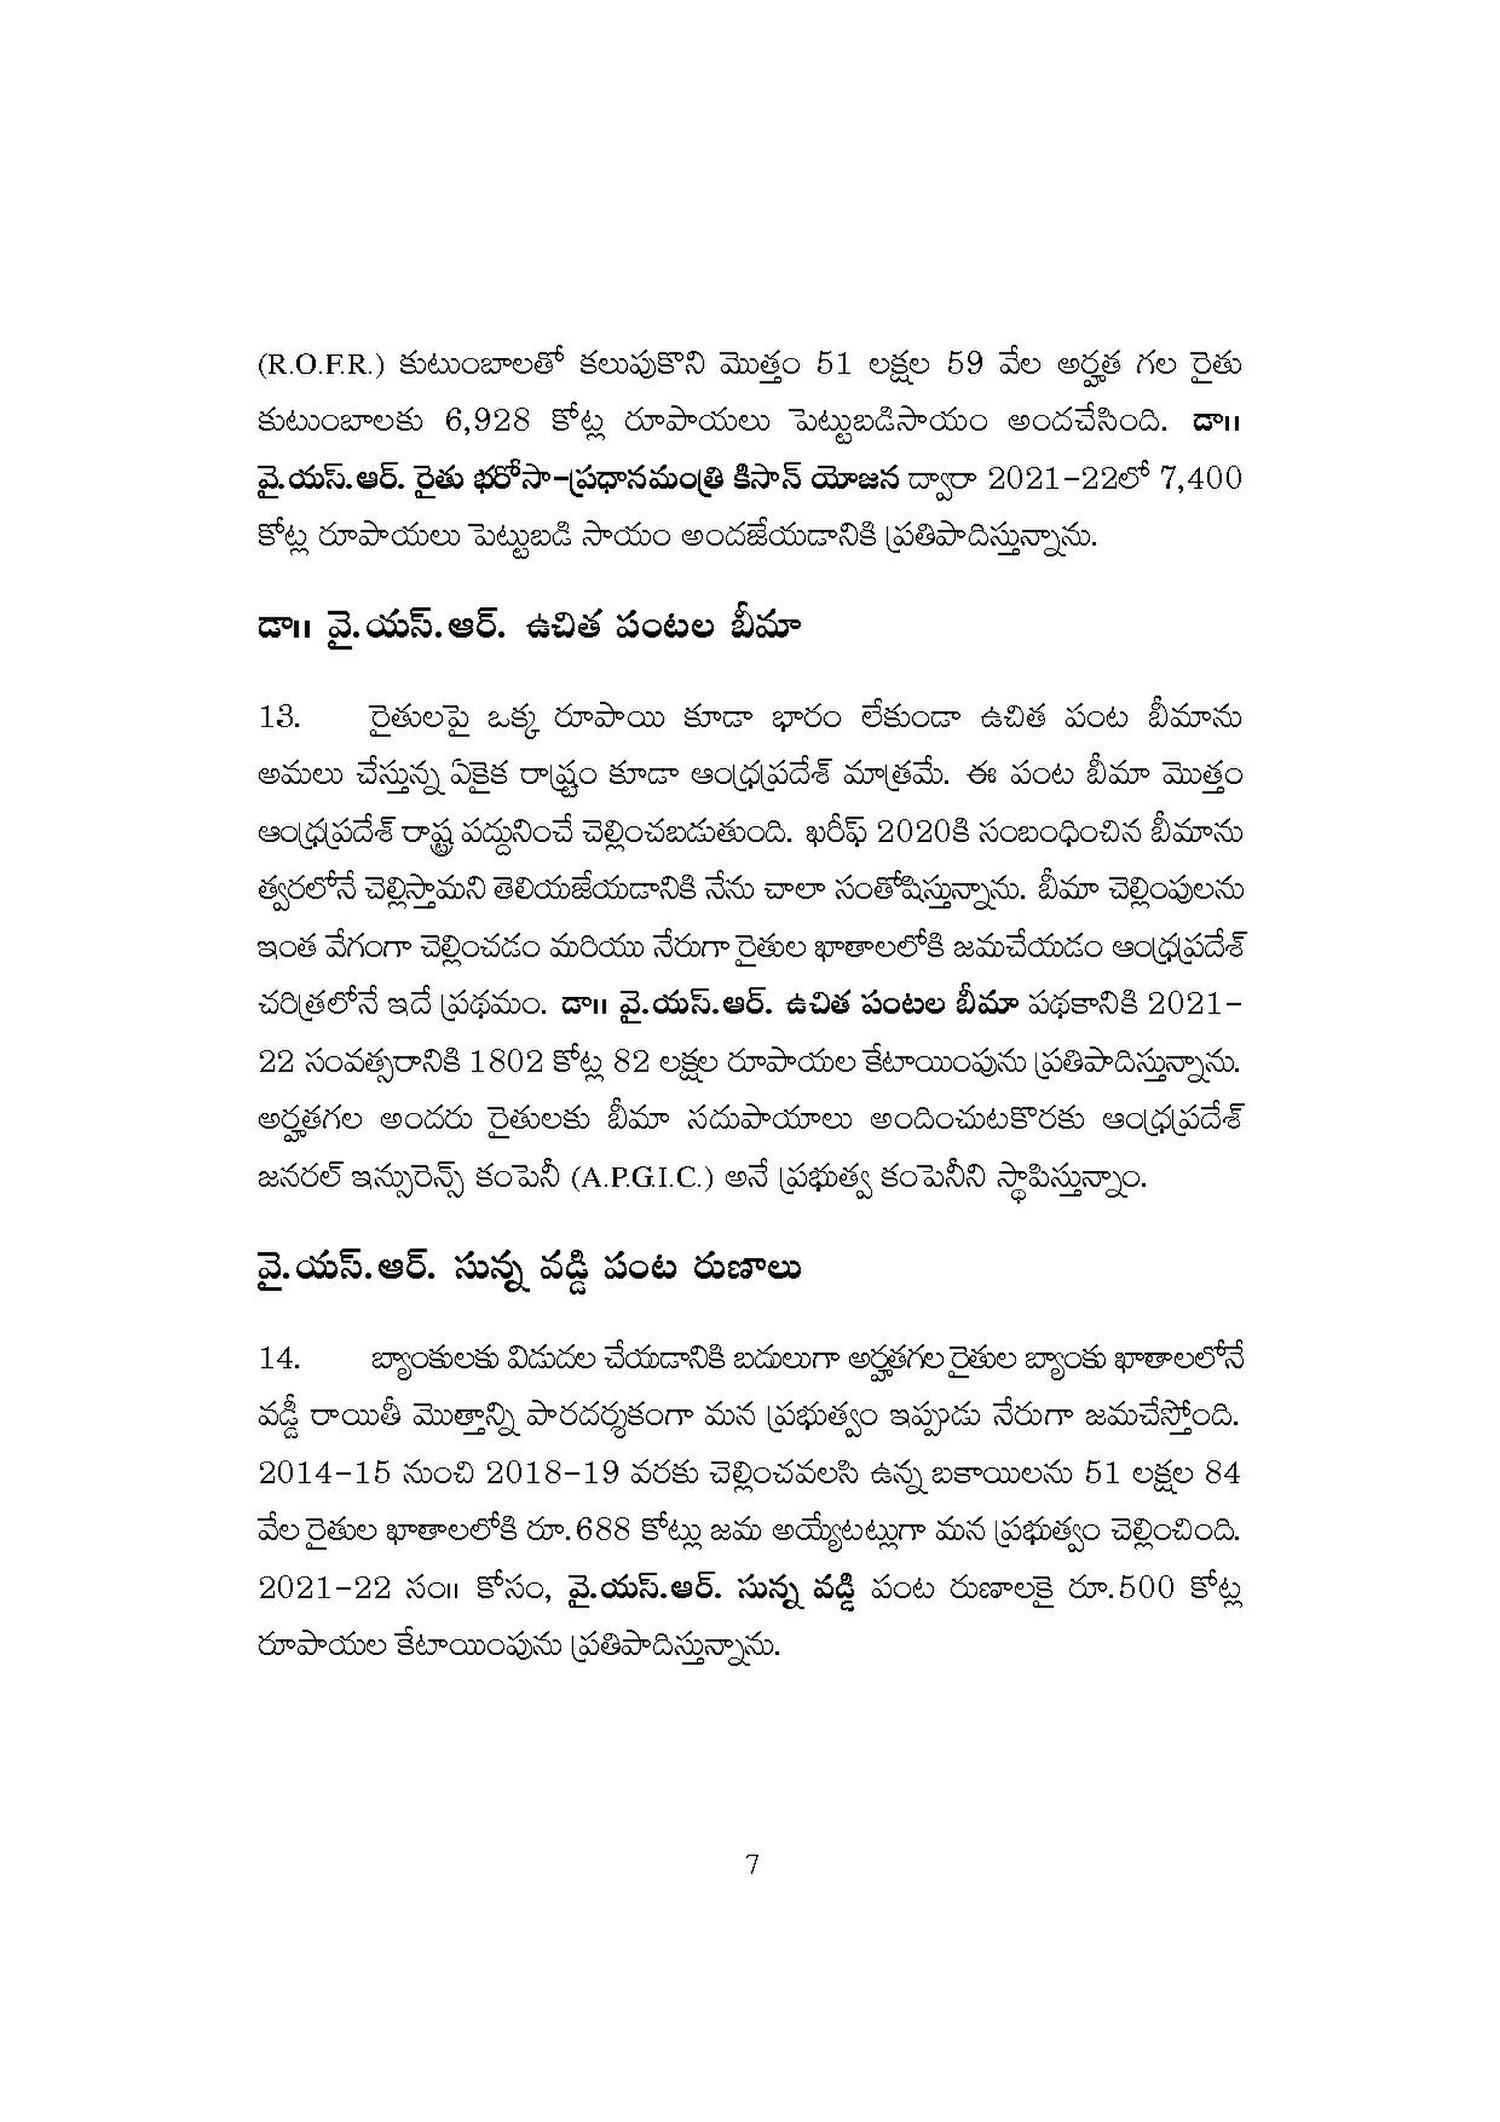(R.O.F.R.) కుటుంబాలతో కలుపుకొని మొత్తం 51 లక్షల 59 వేల అర్హత గల రైతు
కుటుంబాలకు 6,928 కోట్ల రూపాయలు పెట్టుబడిసాయం అందచేసింది. డా॥ వై.యస్.ఆర్. రైతు భరోసా-ప్రధానమంత్రి కిసాన్ యోజన ద్వారా 2021-22లో 7,400
కోట్ల రూపాయలు పెట్టుబడి సాయం అందజేయడానికి ప్రతిపాదిస్తున్నాను.

డా॥ వై.యస్.ఆర్. ఉచిత పంటల బీమా

13. రైతులపై ఒక్క రూపాయి కూడా భారం లేకుండా ఉచిత పంట బీమాను
అమలు చేస్తున్న ఏకైక రాష్ట్రం కూడా ఆంధ్రప్రదేశ్ మాత్రమే. ఈ పంట బీమా మొత్తం
ఆంధ్రప్రదేశ్ రాష్ట్ర పద్దునించే చెల్లించబడుతుంది. ఖరీఫ్ 2020కి సంబంధించిన బీమాను
త్వరలోనే చెల్లిస్తామని తెలియజేయడానికి నేను చాలా సంతోషిస్తున్నాను. బీమా చెల్లింపులను
ఇంత వేగంగా చెల్లించడం మరియు నేరుగా రైతుల ఖాతాలలోకి జమచేయడం ఆంధ్రప్రదేశ్
చరిత్రలోనే ఇదే ప్రథమం. డా॥ వై.యస్.ఆర్. ఉచిత పంటల బీమా పథకానికి 2021-
22 సంవత్సరానికి 1802 కోట్ల 82 లక్షల రూపాయల కేటాయింపును ప్రతిపాదిస్తున్నాను.
అర్హతగల అందరు రైతులకు బీమా సదుపాయాలు అందించుటకొరకు ఆంధ్రప్రదేశ్
జనరల్ ఇన్సురెన్స్ కంపెనీ (A.P.G.I.C.) అనే ప్రభుత్వ కంపెనీని స్థాపిస్తున్నాం.

వై.యస్.ఆర్. సున్న వడ్డి పంట రుణాలు

14. బ్యాంకులకు విడుదల చేయడానికి బదులుగా అర్హతగల రైతుల బ్యాంకు ఖాతాలలోనే
వడ్డీ రాయితీ మొత్తాన్ని పారదర్శకంగా మన ప్రభుత్వం ఇప్పుడు నేరుగా జమచేస్తోంది.
2014-15 నుంచి 2018-19 వరకు చెల్లించవలసి ఉన్న బకాయిలను 51 లక్షల 84
వేల రైతుల ఖాతాలలోకి రూ. 688 కోట్లు జమ అయ్యేటట్లుగా మన ప్రభుత్వం చెల్లించింది.
2021-22 సం॥కోసం, వై.యస్.ఆర్. సున్న వడ్డి పంట రుణాలకై రూ. 500 కోట్ల
రూపాయల కేటాయింపును ప్రతిపాదిస్తున్నాను.